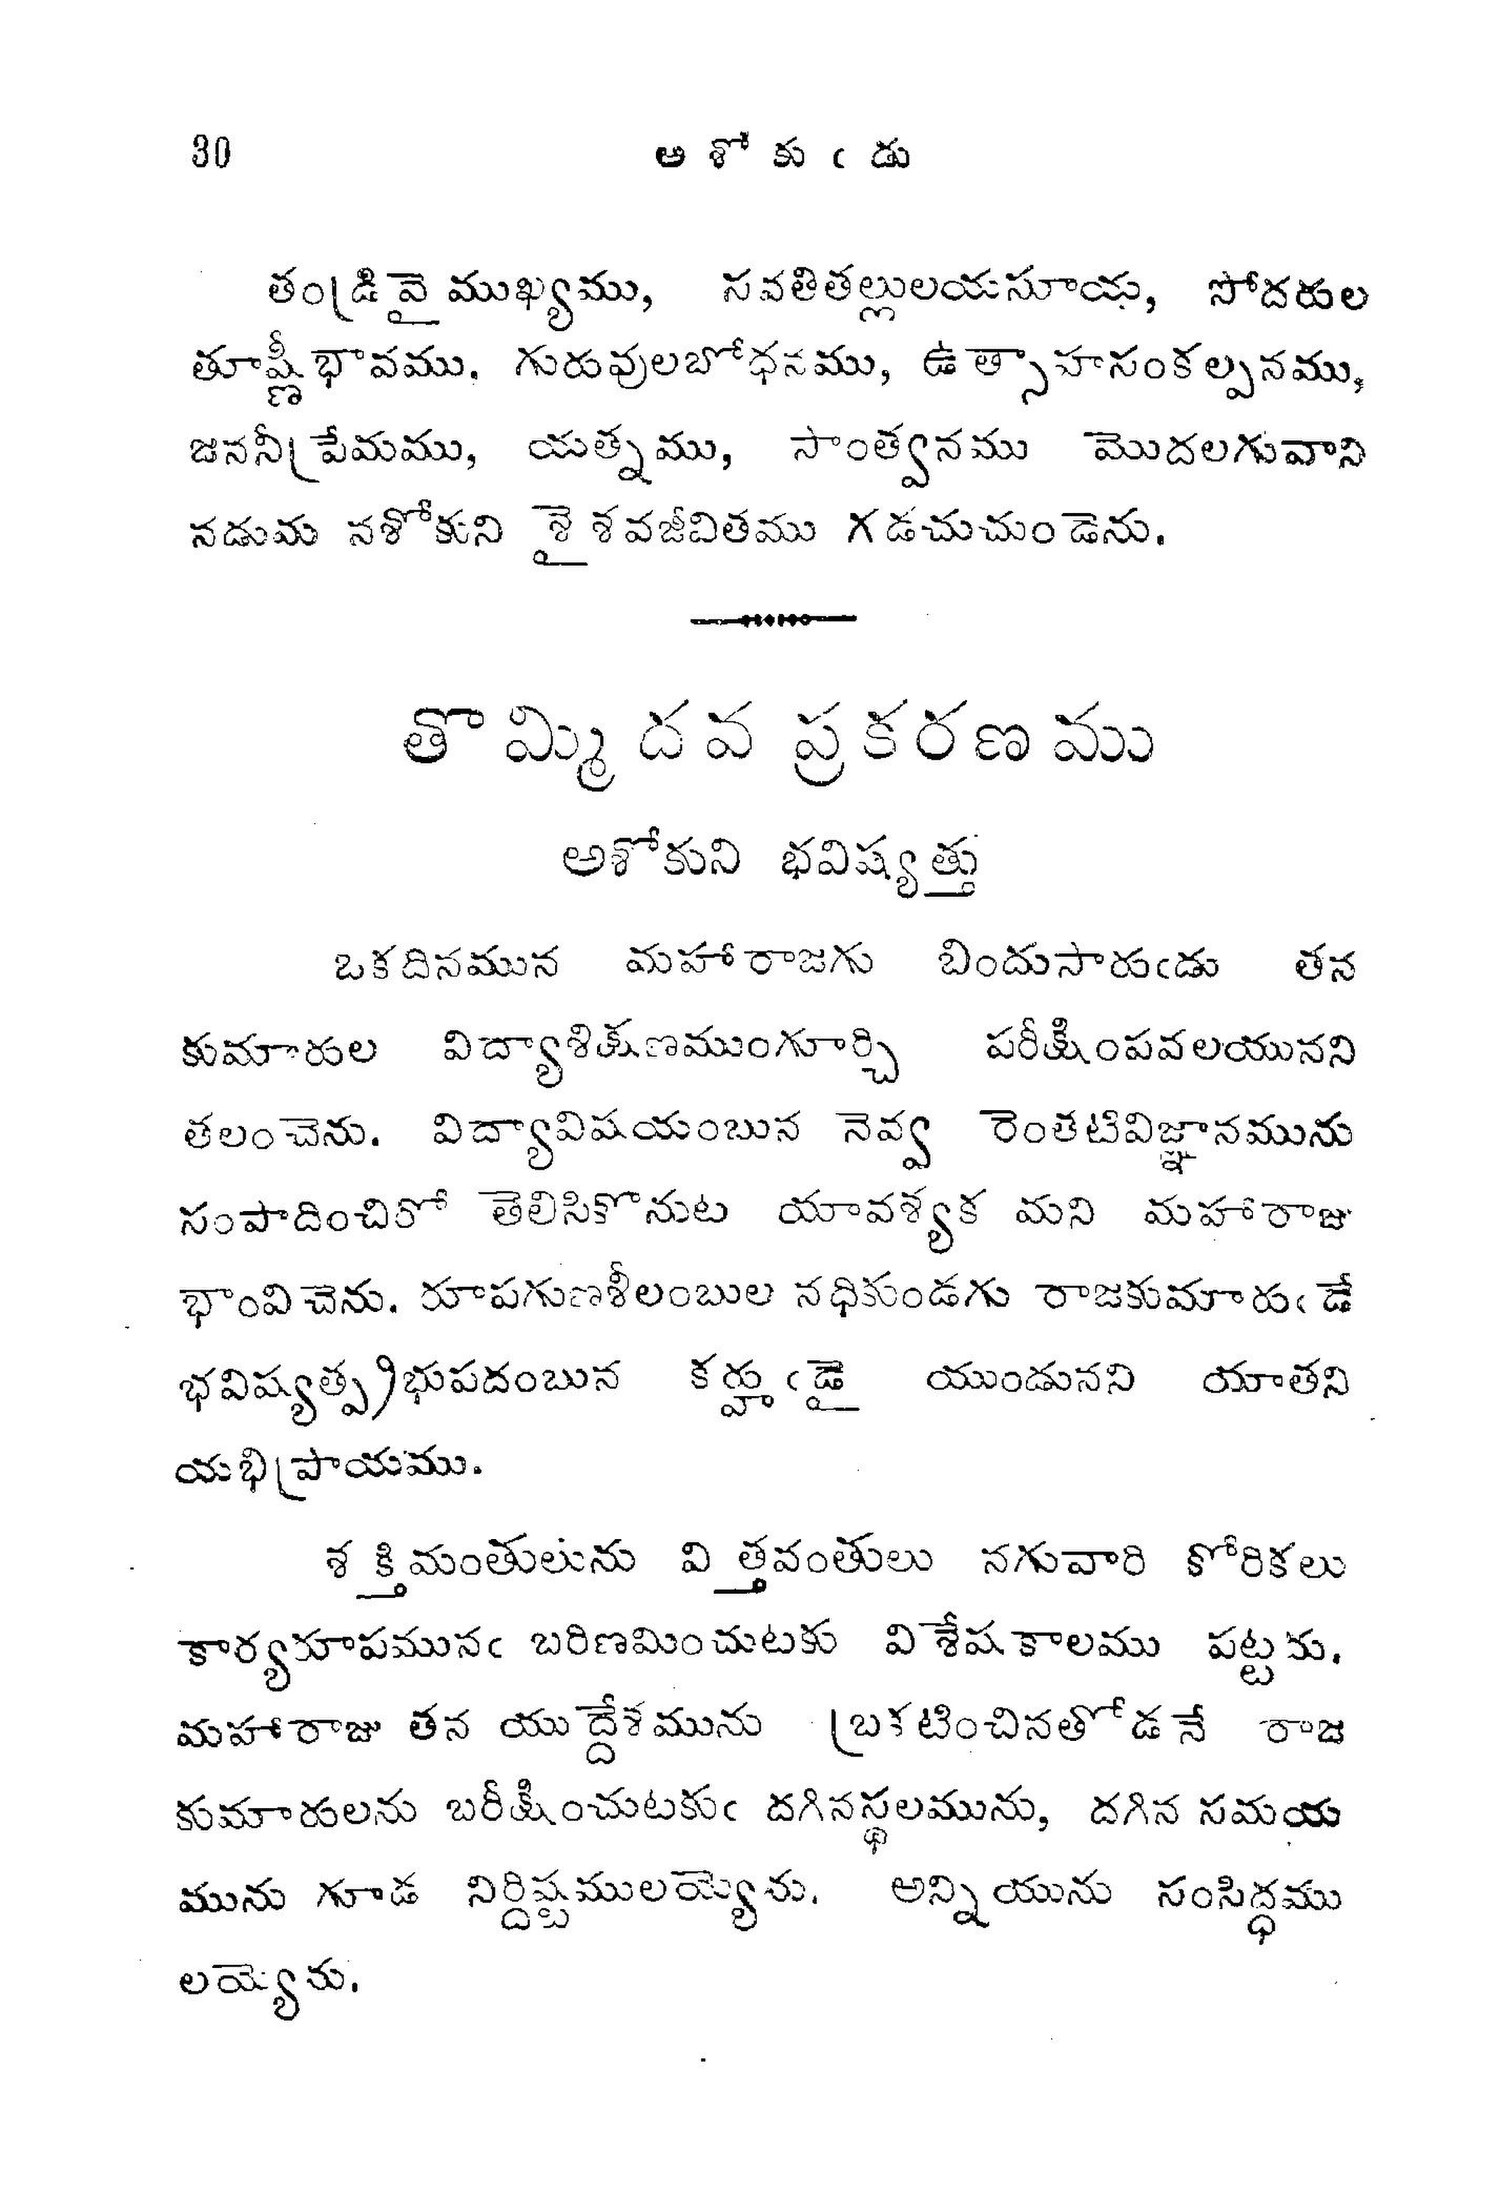తండ్రి వై ముఖ్యము, సవతితల్లులయసూయ, సోదరుల
తూష్ణీ భావము, గురువులబోధనము, ఉత్సాహసంకల్పనము,
జననీ ప్రేమము, యత్నము, సాంత్వనము మొదలగువాని
నడుమ నశోకుని శైశవ జీవితము గడచుచుండెను.

ఒక దినమున మహా రాజగు బిందుసారుడు తన కుమారుల విద్యాశిక్షణముంగూర్చి పరీక్షింపవలయునని తలంచెను. విద్యావిషయంబున నెవ్వ రెంతటి విజ్ఞానమును
సంపాదించిరో తెలిసికొనుట యావశ్యక మని మహా రాజు భాంవి చెను. రూపగుణశీలంబుల నధికుండగు రాజకుమారుఁ డే భవిష్యత్ప్ర భుపదంబున కర్హుఁడై యుండునని యాతని
యభిప్రాయము.

శక్తిమంతులును విత్తవంతులు నగువారి కోరికలు కార్యరూపమునఁ బరిణమించుటకు విశేషకాలము పట్టదు. మహా రాజు తన యుద్దేశమును బ్రకటించినతోడనే రాజ కుమారులను బరీక్షించుటకుఁ దగినస్థలమును, దగిన సమయమును గూడ నిర్దిష్టములయ్యెను. అన్నియును సంసిద్ధము లయ్యెను.